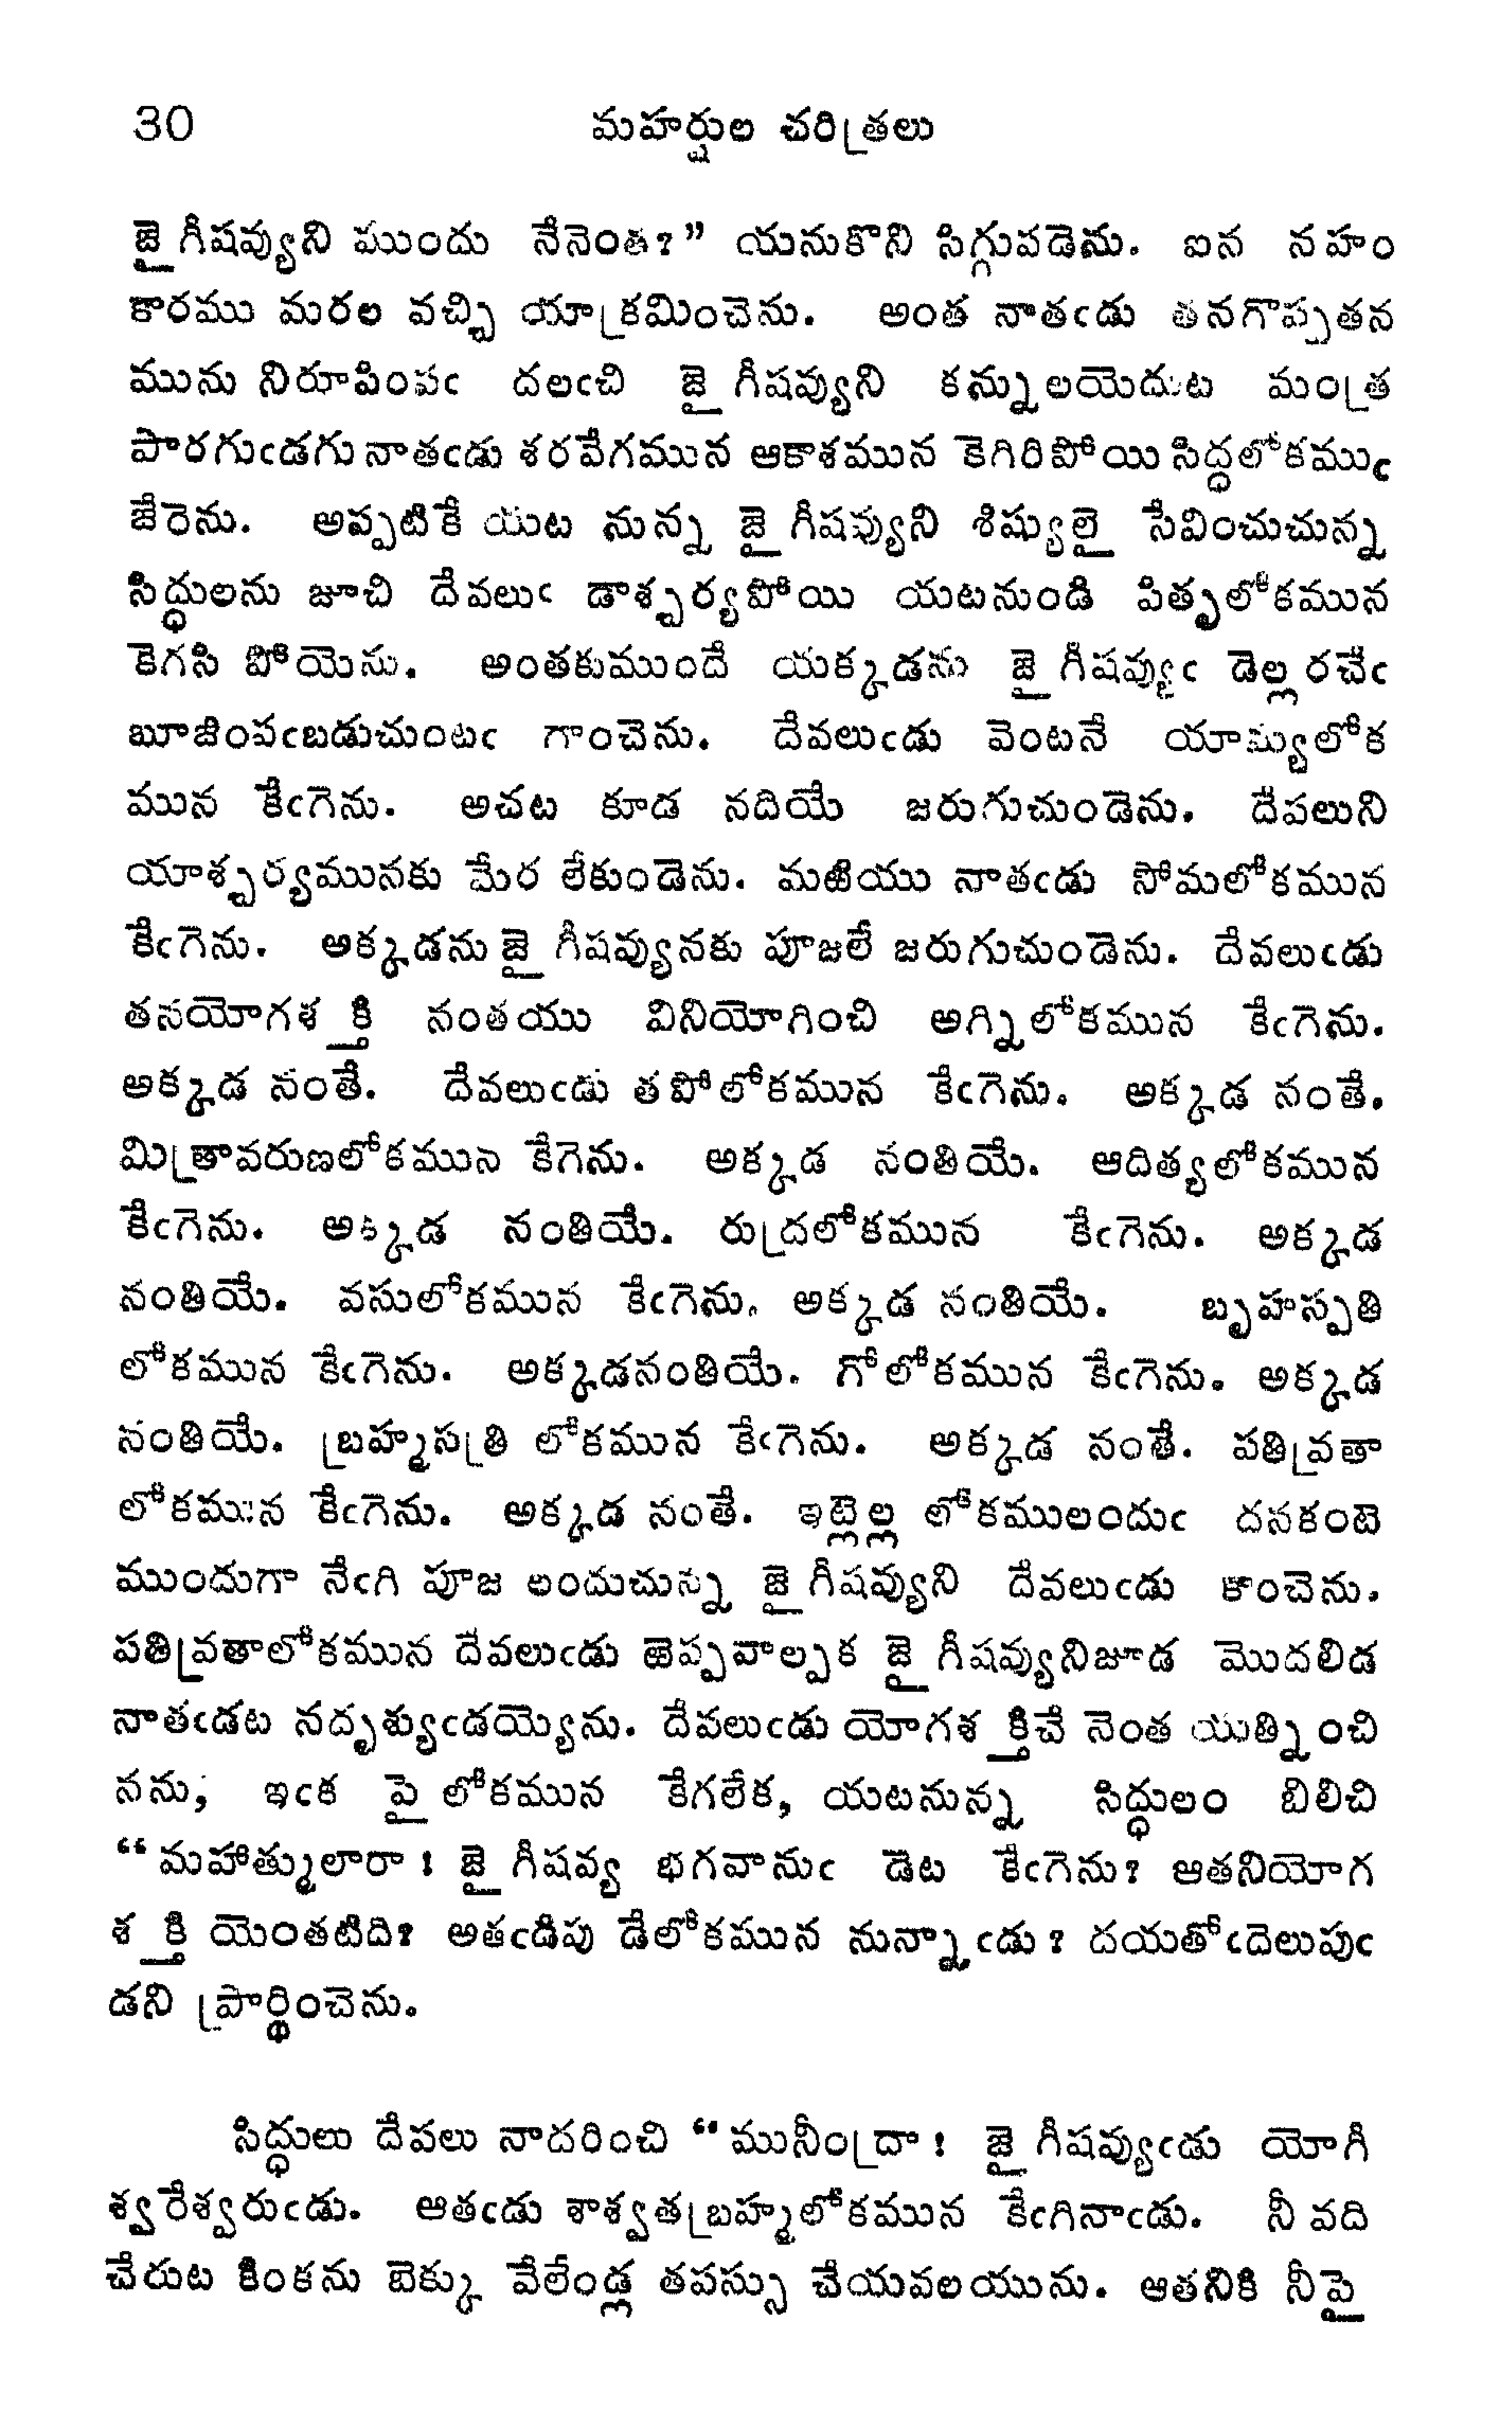జై గీషవ్యుని ముందు నేనెంత?” యనుకొని సిగ్గుపడెను. ఐన నహంకారము మరల వచ్చి యాక్రమించెను. అంత నాతఁడు తన గొప్పతనమును నిరూపింపఁ దలఁచి జై గీషవ్యుని కన్నులయెదుట మంత్ర పారగుఁడగునాతఁడు శరవేగమున ఆకాశమున కెగిరిపోయి సిద్ధలోకముఁ జేరెను. అప్పటికే యట నున్న జై గీషవ్యుని శిష్యులై సేవించుచున్న సిద్దులను జూచి దేవలుఁ డాశ్చర్యపోయి యటనుండి పితృలోకమున కెగసి పోయెను. అంతకుముందే యక్కడను జై గీషవ్వుఁ డెల్ల రచేఁ బూజింపఁబడుచుంటఁ గాంచెను. దేవలుఁడు వెంటనే యామ్యలోకమున కేఁగెను. అచట కూడ నదియే జరుగుచుండెను. దేవలుని యాశ్చర్యమునకు మేర లేకుండెను. మఱియు నాతఁడు సోమలోకమున కేఁగెను. అక్కడను జై గీషవ్యునకు పూజలే జరుగుచుండెను. దేవలుఁడు తనయోగశక్తి నంతయు వినియోగించి అగ్నిలోకమున కేఁగెను. అక్కడ నంతే. దేవలుఁడు తపోలోకమున కేఁగెను. అక్కడ నంతే. మిత్రావరుణలోకమున కేగెను. అక్కడ నంతియే. ఆదిత్యలోకమున కేఁగెను. అక్కడ నంతియే. రుద్రలోకమున కేఁగెను. అక్కడ నంతియే. వసులోకమున కేఁగెను. అక్కడ నంతియే. బృహస్పతి లోకమున కేఁగెను. అక్కడనంతియే. గోలోకమున కేఁగెను. అక్కడ నంతియే. బ్రహ్మసత్రి లోకమున కేఁగెను. అక్కడ నంతే. పతివ్రతా లోకమున కేఁగెను. అక్కడ నంతే. ఇట్లెల్ల లోకములందుఁ దనకంటె ముందుగా నేఁగి పూజ లందుచున్న జై గీషవ్యుని దేవలుఁడు కాంచెను. పతివ్రతాలోకమున దేవలుఁడు ఱెప్పవాల్పక జై గీషవ్యునిజూడ మొదలిడ నాతఁడట నదృశ్యుఁడయ్యెను. దేవలుఁడు యోగశక్తిచే నెంత యత్నించినను, ఇఁక పై లోకమున కేగలేక, యటనున్న సిద్దులం బిలిచి “మహాత్ములారా! జై గీషవ్య భగవానుఁ డెట కేఁగెను? ఆతనియోగ శక్తి యెంతటిది? అతఁడిపు డేలోకమున నున్నాఁడు? దయతోఁ దెలుపుఁడని ప్రార్థించెను.

సిద్దులు దేవలు నాదరించి " మునీంద్రా ! జై గీషవ్యుఁడు యోగీశ్వరేశ్వరుఁడు. ఆతఁడు శాశ్వత బ్రహ్మలోకమున కేఁగినాఁడు. నీ వది చేరుట కింకను బెక్కు వేలేండ్ల తపస్సు చేయవలయును. ఆతనికి నీపై